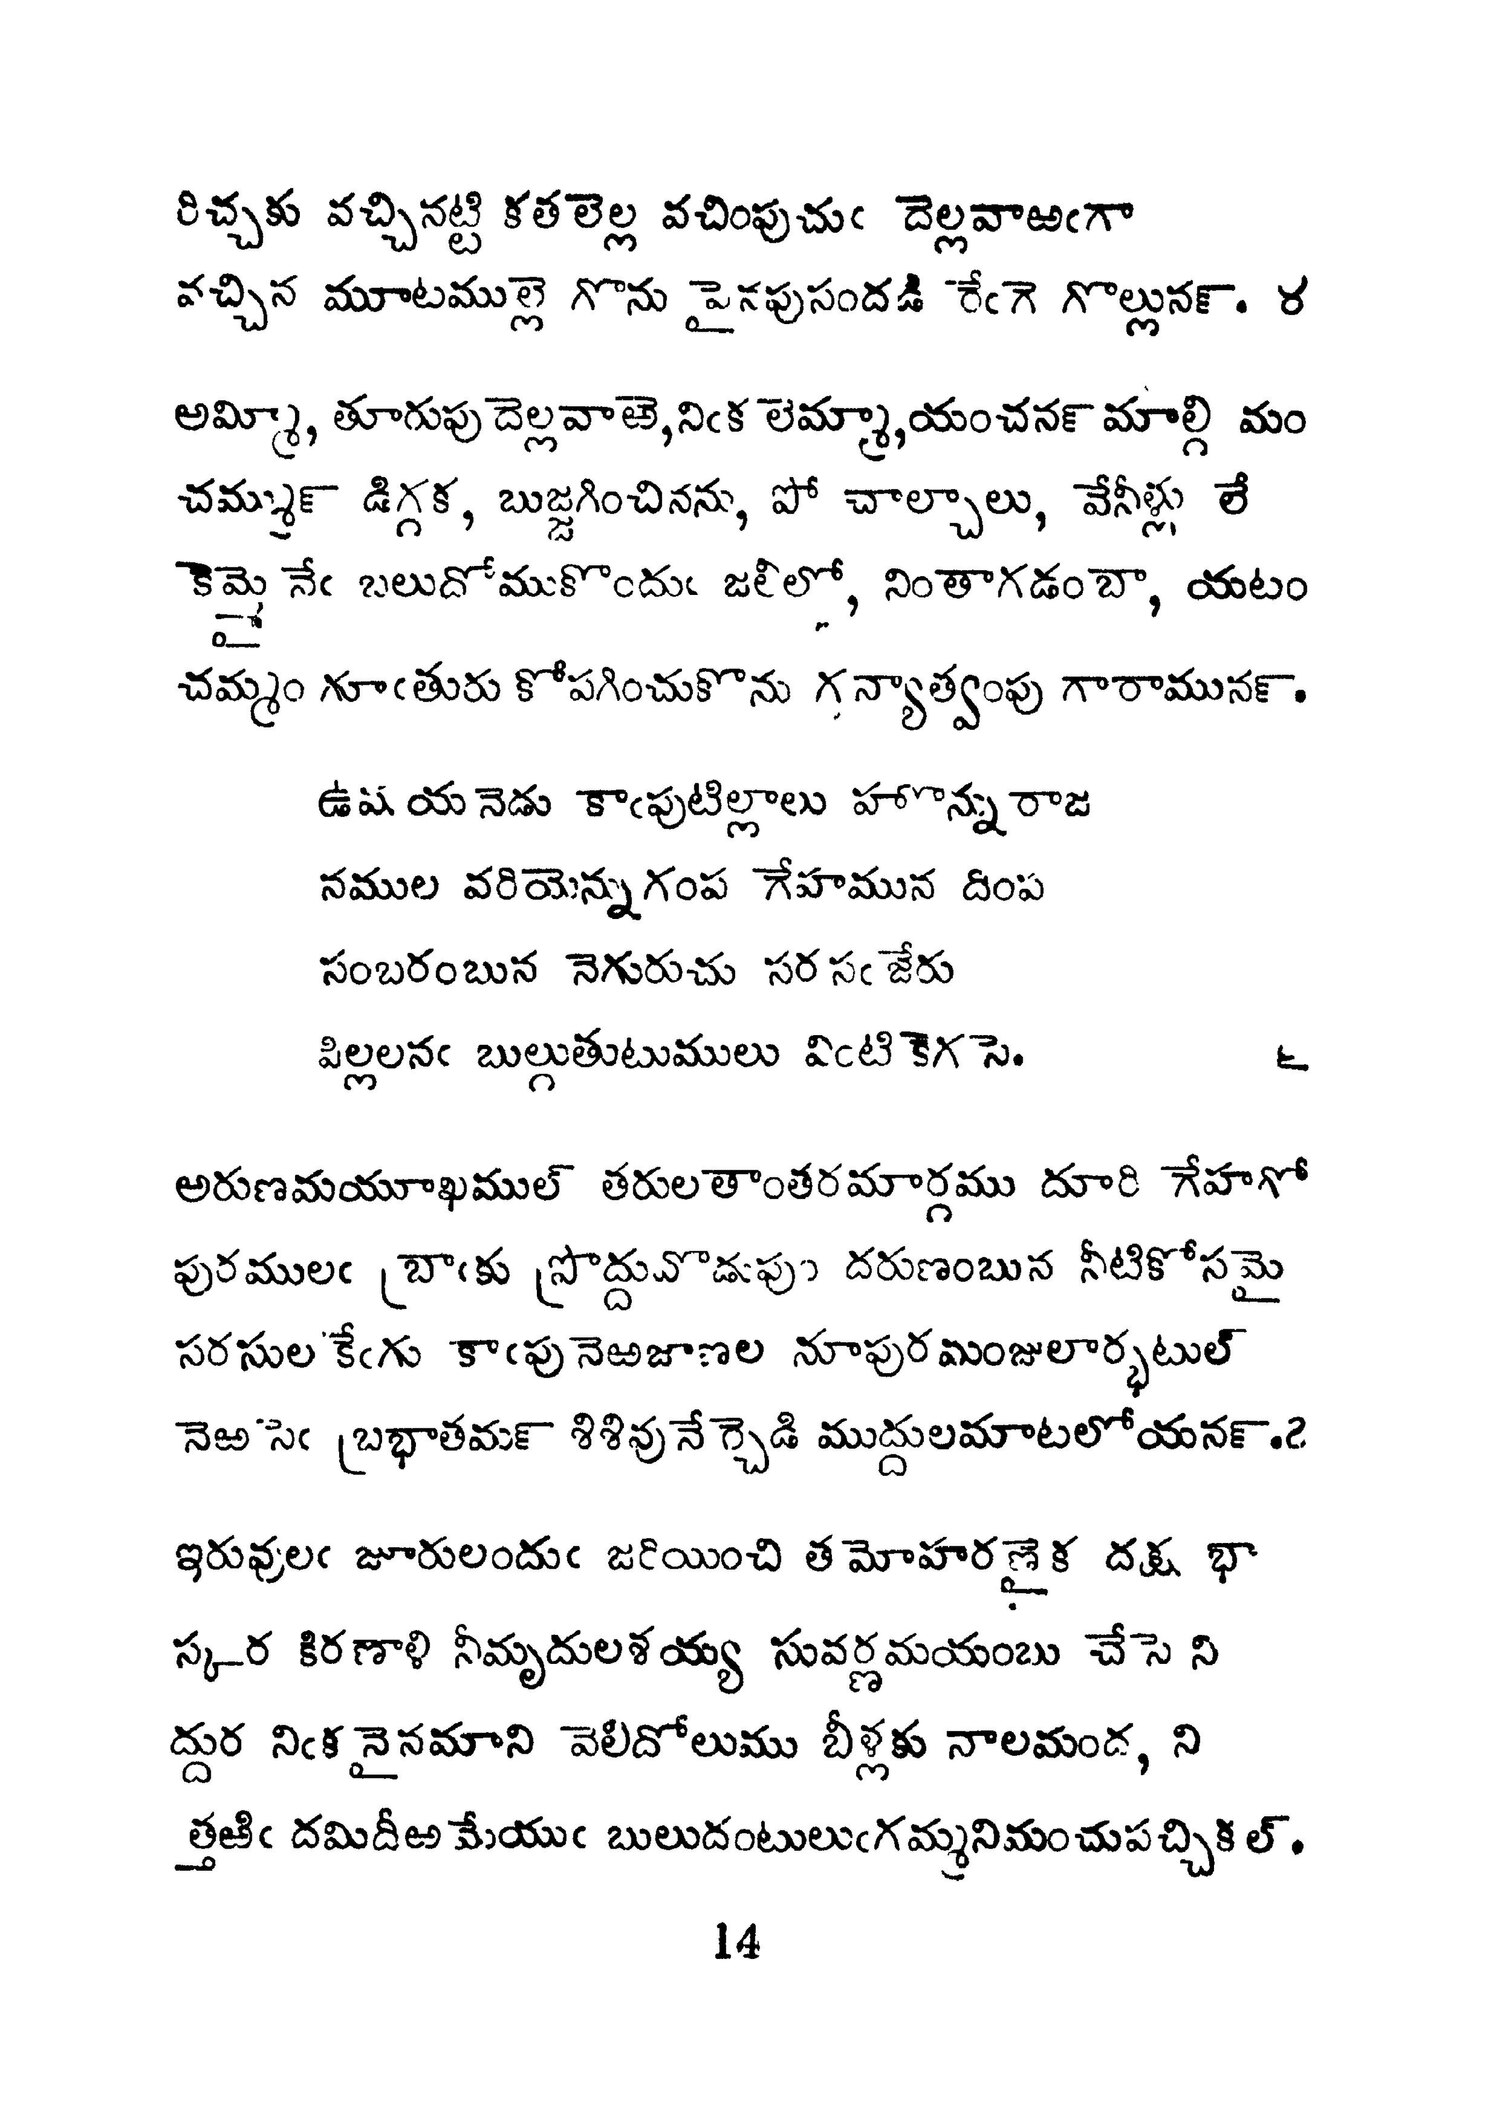రిచ్చకు వచ్చినట్టి కతలెల్ల వచింపుచుఁ దెల్లవాఱఁగా
వచ్చిన మూటముల్లె గొను పైనపుసందడి రేఁగె గొల్లునన్‌. 	4

అమ్మీ, తూరుపుదెల్లవాఱె, నిఁకలెమ్మా, యంచనన్‌ మాల్గి మం
చమ్మున్‌ డిగ్గక, బుజ్జగించినను, పో చాల్చాలు, వేన్నీళ్లు లే
కెమ్మై నేఁ బలుదోముకొందుఁ జలిలో, నింతాగడంబా, యటం
చమ్మం గూఁతురు కోపగించుకొనుఁ గన్యాత్వంపు గారామునన్‌. 	5

ఉష యనెడు కాఁపుటిల్లాలు హొన్నురాజ
నముల వరియెన్నుగంప గేహమున దింప
సంబరమున నెగురుచు సరసఁజేరు
పిల్లలనఁ బుల్గుతుటుములు వింటికెగసె. 	6

అరుణమయూఖముల్‌ తరులతాంతరమార్గము దూరి గేహగో
పురములఁ బ్రాఁకు ప్రొద్దువొడుపుం దరుణంబున నీటికోసమై
సరసుల కేఁగు కాఁపునెఱజాణల నూపురమంజులార్భటుల్‌
నెఱసెఁ బ్రభాతమన్‌ శిశువునేర్చెడి ముద్దులమాటలో యనన్‌. 	7

ఇరువులఁ జూరులందుఁ జరియించి తమోహరణైక దక్ష భా
స్కర కిరణాళి నీమృదులశయ్య సువర్ణమయంబు చేసె ని
ద్దుర నిఁకనైనమాని వెలిదోలుము బీళ్ళకు నాలమంద, ని
త్తఱిఁ దమిదీఱమేయుఁ బులుదంటులుఁ గమ్మనిమంచుపచ్చికల్‌. 	8